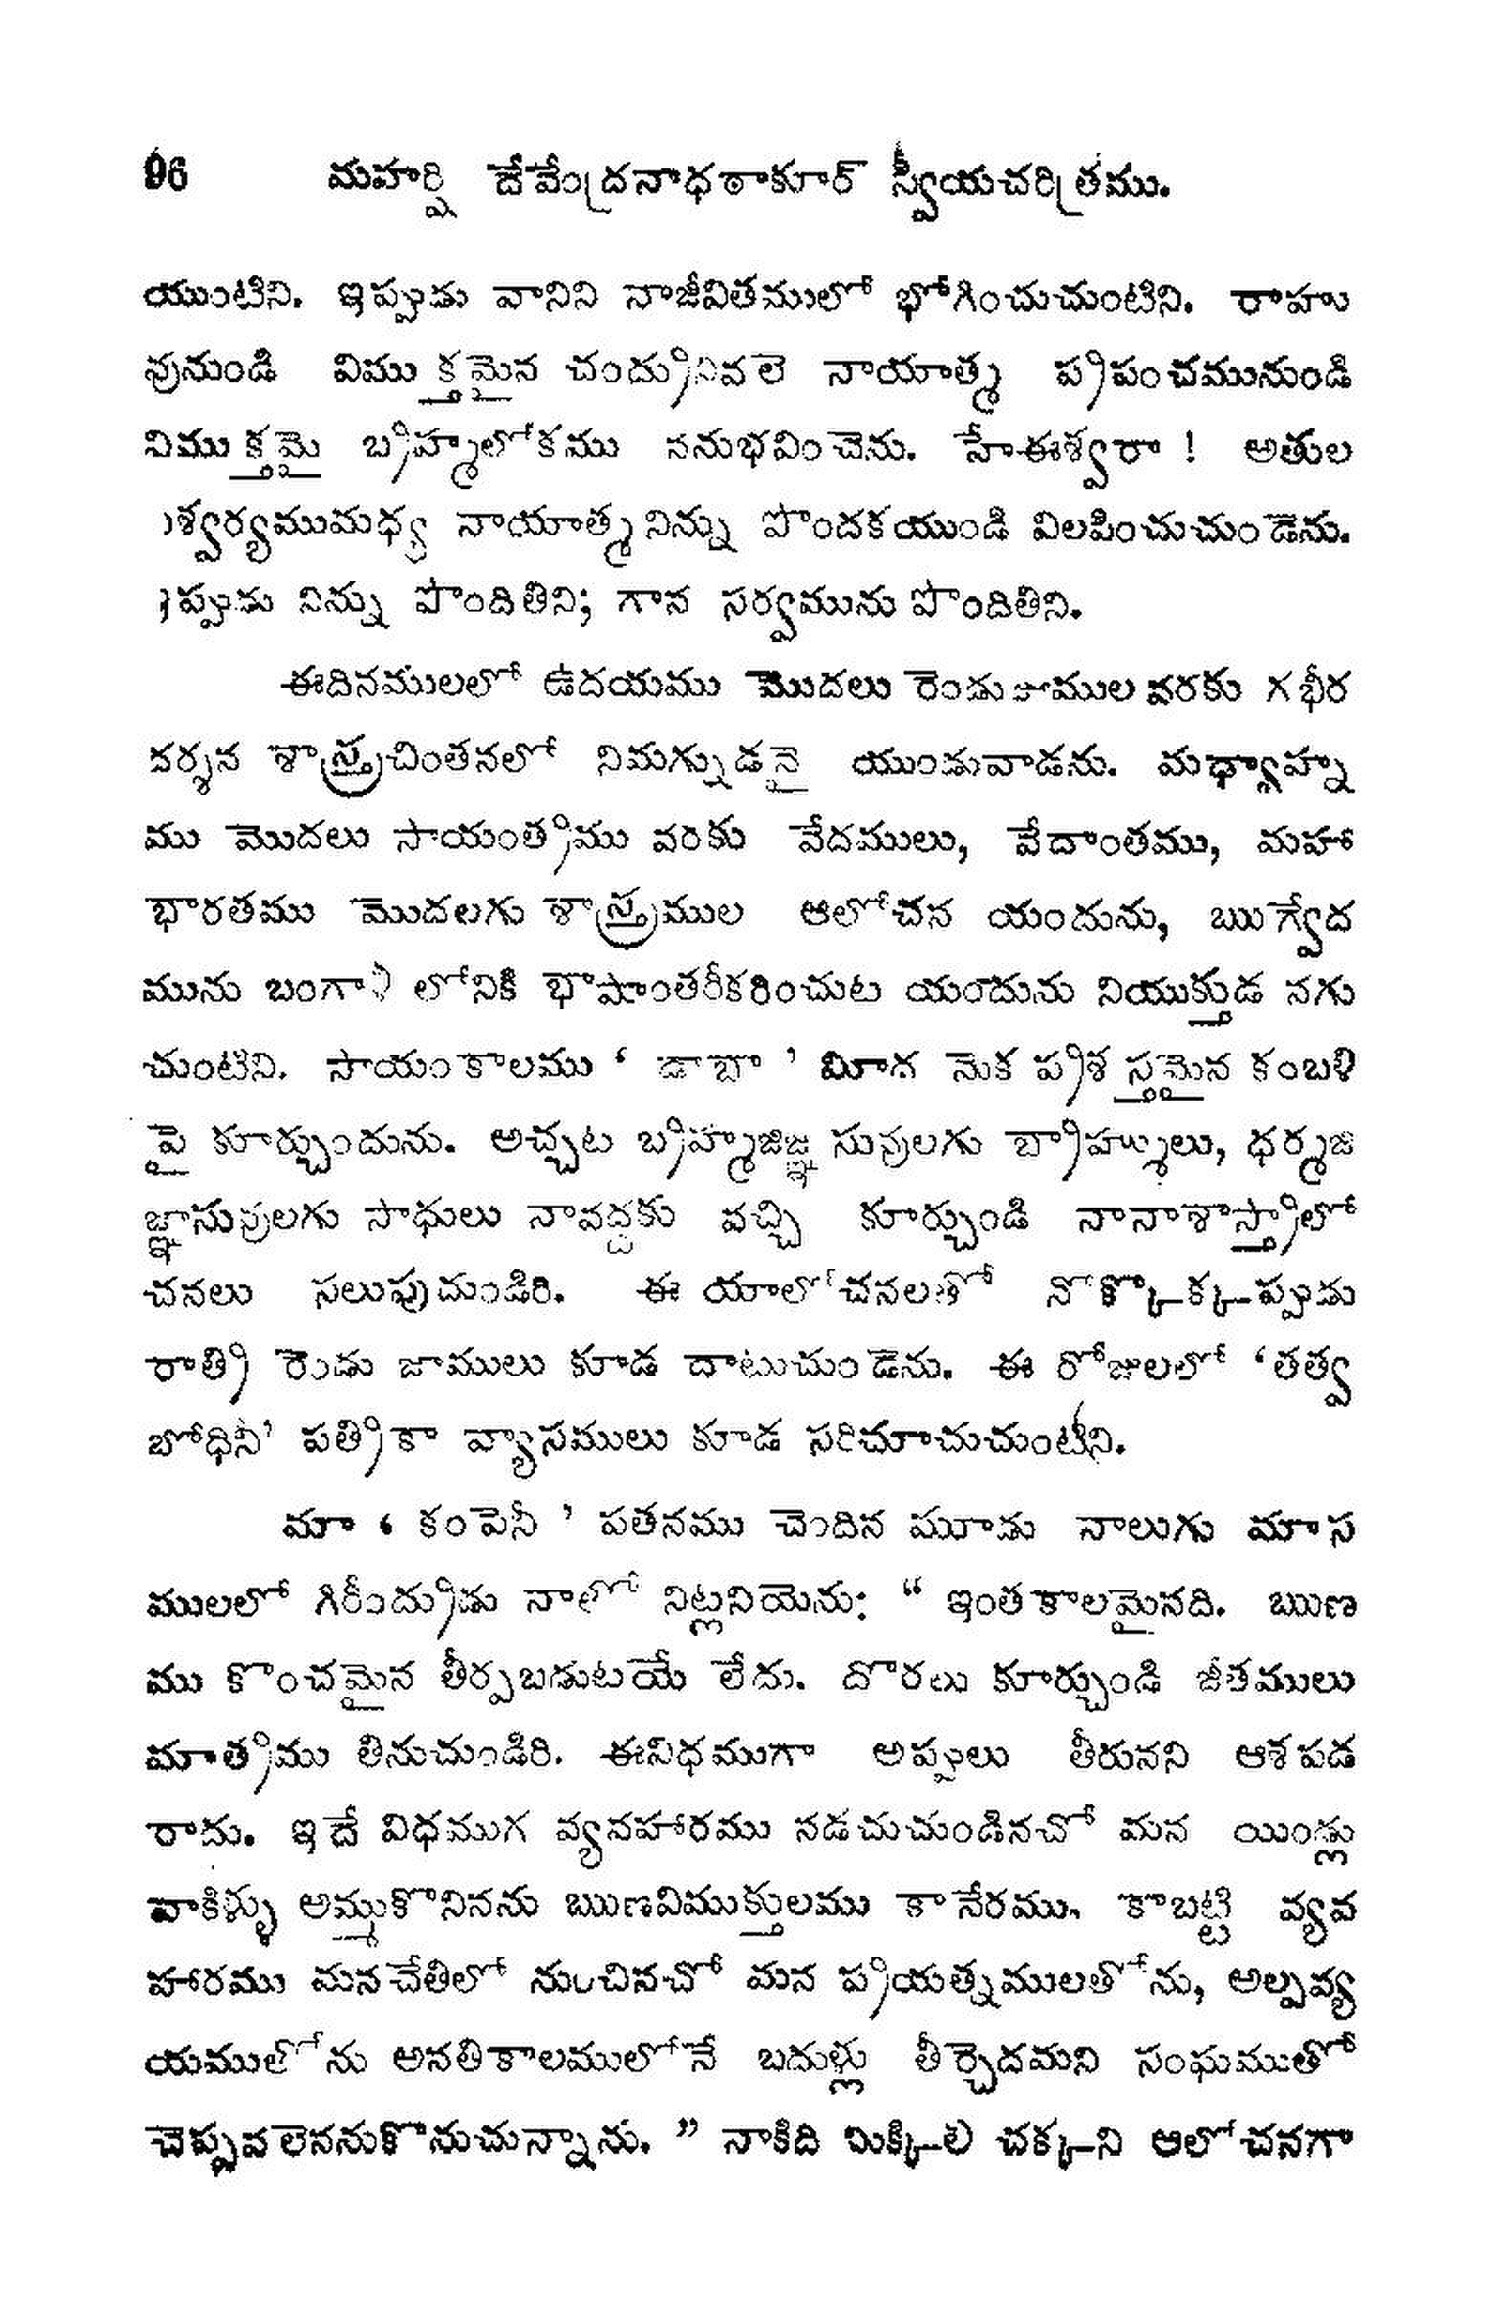యుంటిని. ఇప్పుడు వానిని నాజీవితములో భోగించుచుంటిని. 
రాహువునుండి విముక్తమైన చంద్రుని వలె నాయాత్మ ప్రపంచము
నుండి విముక్తమై బాహ్మలోకము ననుభవించెను. "హే ఈశ్వరా ! 
'అతులశ్వర్యము మధ్య నాయాత్మ నిన్ను పొందక యుండి 
విలపించుచుండెను.ఆప్పుడు నిన్ను పొంది తిని; గాన సర్వమును 
పొందితిని.

ఈదినములలో ఉదయము మొదలు రెండు జాముల వరకు గభీర
దర్శన శాస్త్ర చింతనలో నిమగ్నుడనై యుండువాడను. మధ్యాహ్నము
మొదలు సాయంత్రము వరకు వేదములు, వేదాంతము, మహా
భారతము మొదలగు శాస్త్రముల ఆలోచన యందును, ఋగ్వేదమును
బంగాలి లోనికి భాషాంతరీకరించుట యందును నియుక్తుడనగు
చుంటిని. సాయం కాలము మీద ఒక ప్రశస్తమైన కంబళి
పై కూర్చుందును. అచ్చట బ్రాహ్మజిజ్ఞాసువులగు బాహ్ములు, 
ధర్మజీజ్ఞాసుపులగు సాధులు నావద్దకు వచ్చి కూర్చుండి 
నానాశాస్త్రాలోచనలు సలుపుచుండిరి. ఈ యాలోచనలతో 
నొక్కొక్కప్పుడు రాత్రి రెండు జాములు కూడ దాటుచుండెను. 
ఈ రోజులలో 'తత్వబోధినీ' పత్రికా వ్యాసములు కూడ 
సరిచూచుచుంటిని.

మా కంపెనీ పతనము చెందిన మూడు నాలుగు మాసములలో 
గిరీంద్రుడు నాతో నిట్లనియెను:" ఇంతకాలమైనది. ఋణము 
కొంచమైన తీర్పబడుటయే లేదు. దొరలు కూర్చుండి జీతములు
మాత్రము తినుచుండిరి. ఈ విధముగా అప్పులు తీరునని ఆశ 
పడరాదు. ఇదే విధముగ వ్యసహారము నడచుచుండినచో 
మన యిండ్లువాకిళ్ళు అమ్ముకొనినను ఋణవిముక్తులము 
కానేరము. "కాబట్టి వ్యవహారము మన చేతిలో నుంచినచో 
మన పప్రయత్నములతోను, అల్పవ్యయములతోను 
అనతి కాలములోనే బదుళ్లు తీర్చెదమని సంఘముతో
చెప్పవలెనను కొనుచున్నాను. ” నాకిది మిక్కిలి చక్కని
ఆలోచనగా